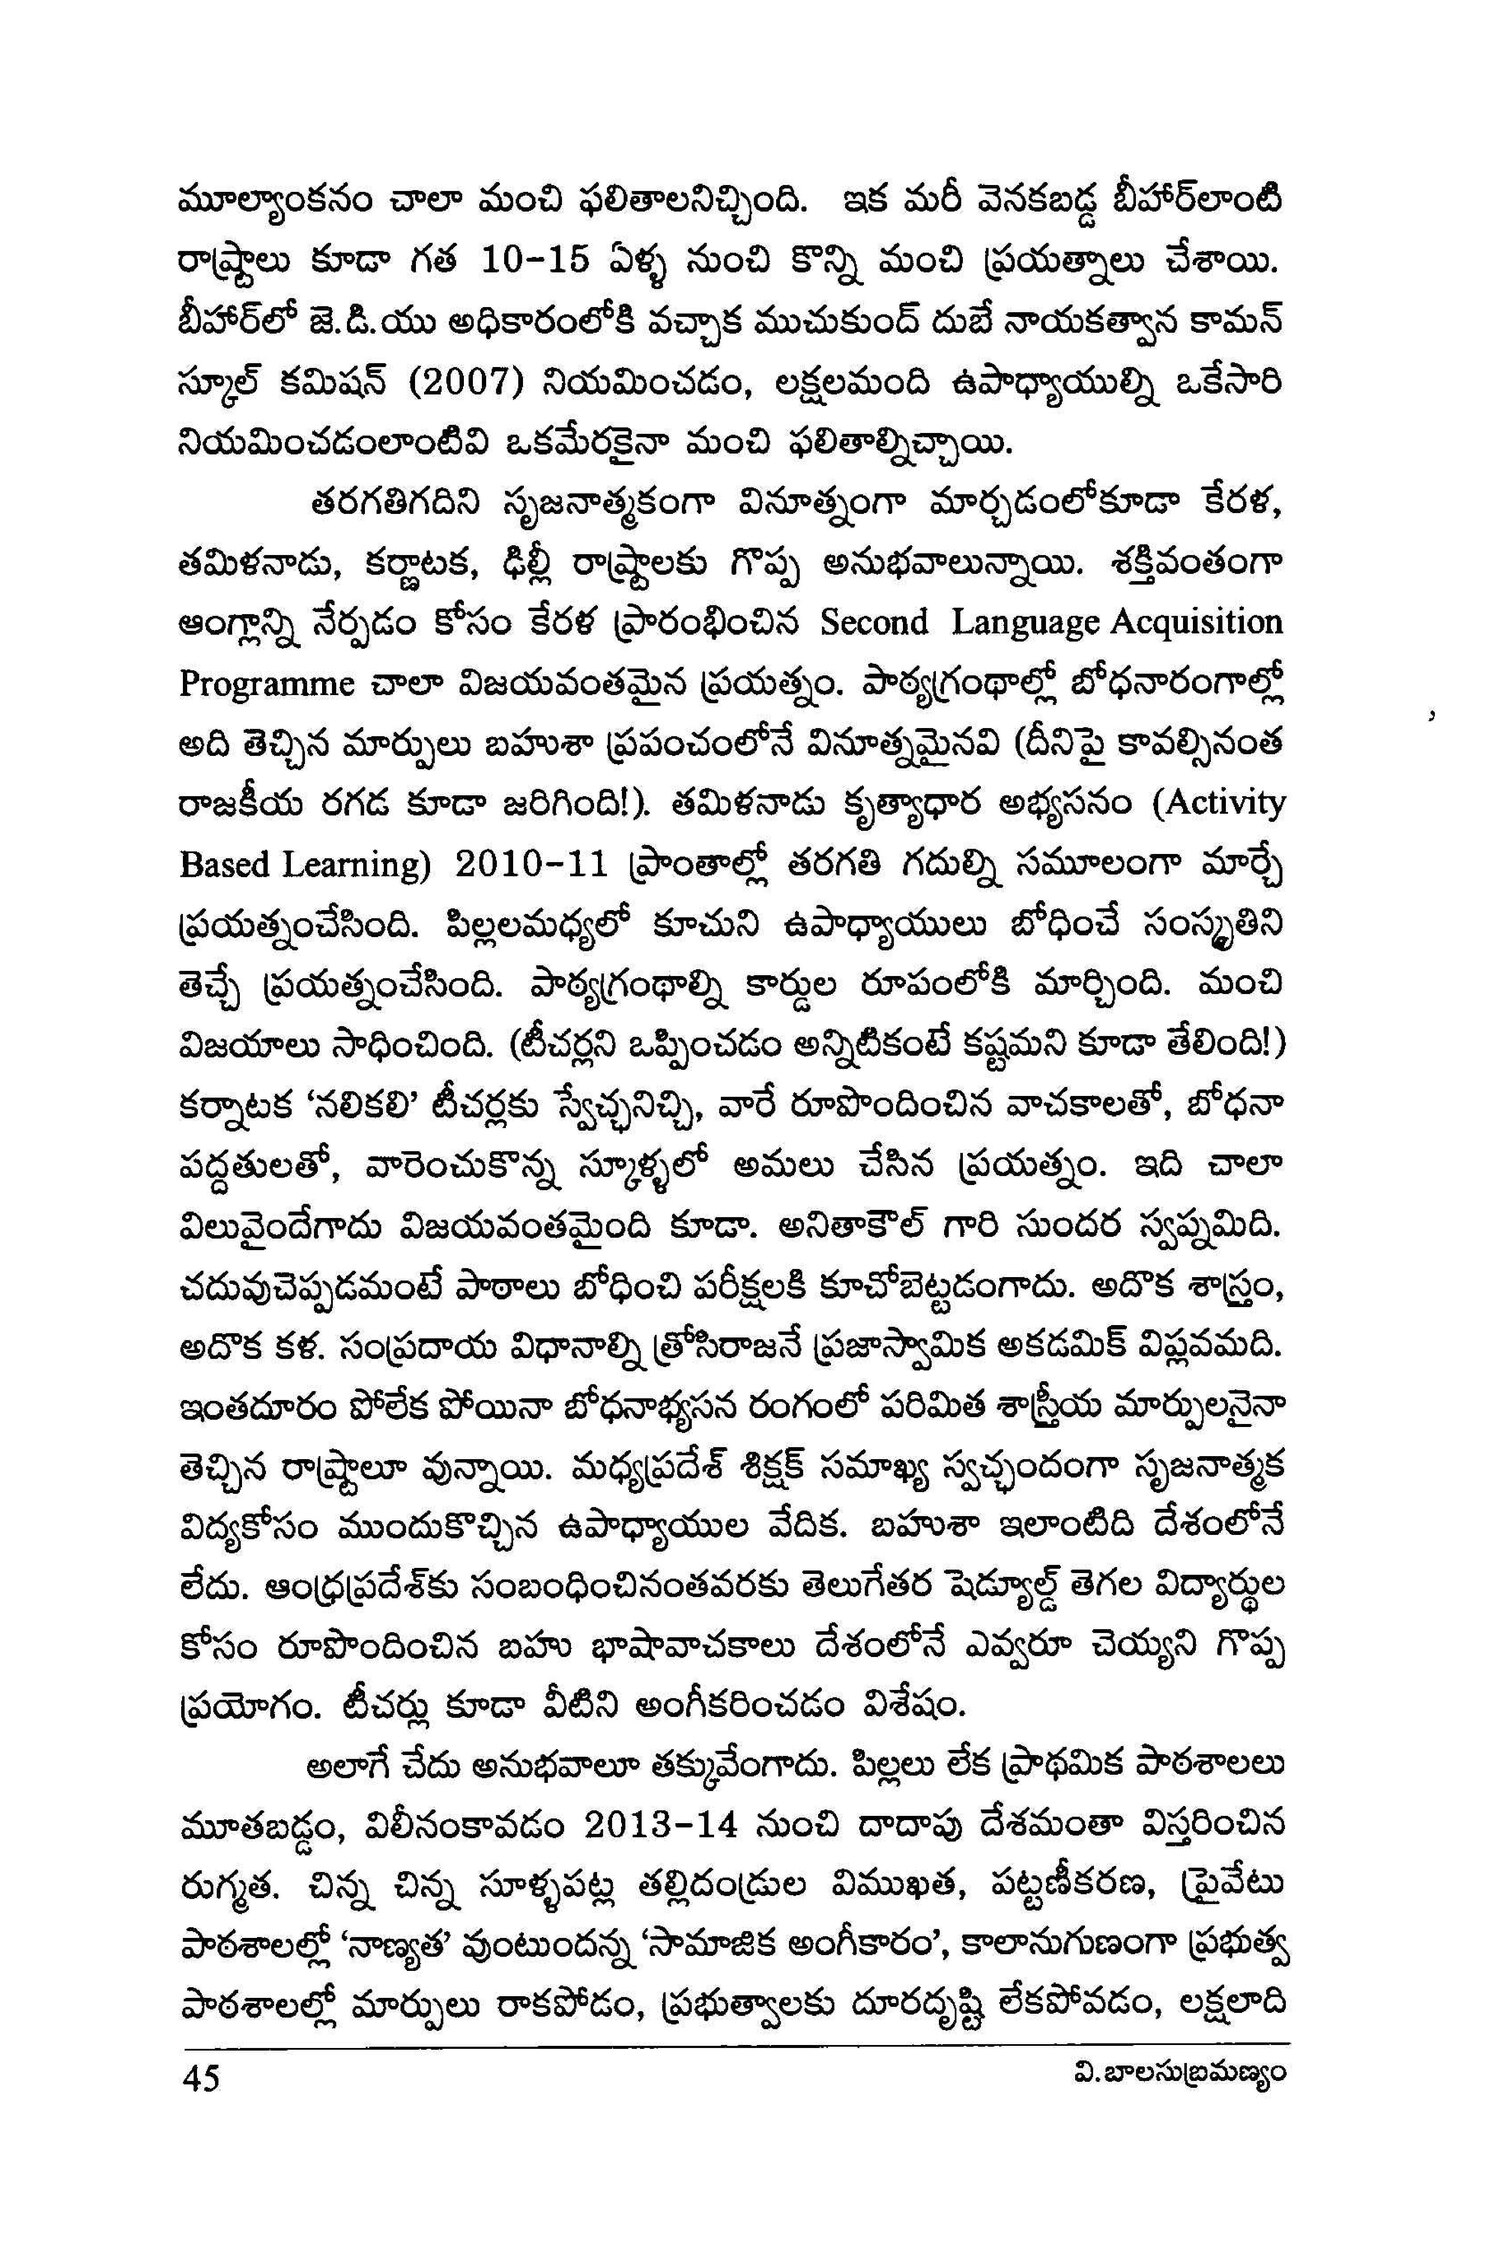మూల్యాంకనం చాలా మంచి ఫలితాలనిచ్చింది. ఇక మరీ వెనకబడ్డ బీహార్లాంటి
రాష్ట్రాలు కూడా గత 10-15 ఏళ్ళ నుంచి కొన్ని మంచి ప్రయత్నాలు చేశాయి.
బీహార్లో జె.డి.యు అధికారంలోకి వచ్చాక ముచుకుంద్ దుబే నాయకత్వాన కామన్
స్కూల్ కమిషన్ (2007) నియమించడం, లక్షలమంది ఉపాధ్యాయుల్ని ఒకేసారి
నియమించడంలాంటివి ఒకమేరకైనా మంచి ఫలితాల్నిచ్చాయి.

తరగతిగదిని సృజనాత్మకంగా వినూత్నంగా మార్చడంలో కూడా కేరళ,
తమిళనాడు, కర్ణాటక, ఢిల్లీ రాష్ట్రాలకు గొప్ప అనుభవాలున్నాయి. శక్తివంతంగా
ఆంగ్లాన్ని నేర్పడం కోసం కేరళ ప్రారంభించిన Second Language Acquisition
Programme చాలా విజయవంతమైన ప్రయత్నం. పాఠ్యగ్రంథాల్లో బోధనారంగాల్లో
అది తెచ్చిన మార్పులు బహుశా ప్రపంచంలోనే వినూత్నమైనవి (దీనిపై కావల్సినంత
రాజకీయ రగడ కూడా జరిగింది!). తమిళనాడు కృత్యాధార అభ్యసనం (Activity
Based Learning) 2010-11 ప్రాంతాల్లో తరగతి గదుల్ని సమూలంగా మార్చే
ప్రయత్నంచేసింది. పిల్లలమధ్యలో కూచుని ఉపాధ్యాయులు బోధించే సంస్కృతిని
తెచ్చే ప్రయత్నంచేసింది. పాఠ్యగ్రంథాల్ని కార్డుల రూపంలోకి మార్చింది. మంచి
విజయాలు సాధించింది. (టీచర్లని ఒప్పించడం అన్నిటికంటే కష్టమని కూడా తేలింది!)
కర్నాటక 'నలికలి' టీచర్లకు స్వేచ్ఛనిచ్చి, వారే రూపొందించిన వాచకాలతో, బోధనా
పద్దతులతో, వారెంచుకొన్న స్కూళ్ళలో అమలు చేసిన ప్రయత్నం. ఇది చాలా
విలువైందేగాదు విజయవంతమైంది కూడా. అనితాకౌల్ గారి సుందర స్వప్నమిది.
చదువుచెప్పడమంటే పాఠాలు బోధించి పరీక్షలకి కూచోబెట్టడంగాదు. అదొక శాస్త్రం,
అదొక కళ. సంప్రదాయ విధానాల్ని త్రోసిరాజనే ప్రజాస్వామిక అకడమిక్ విప్లవమది.
ఇంతదూరం పోలేక పోయినా బోధనాభ్యసన రంగంలో పరిమిత శాస్త్రీయ మార్పులనైనా
తెచ్చిన రాష్ట్రాలూ వున్నాయి. మధ్యప్రదేశ్ శిక్షక్ సమాఖ్య స్వచ్ఛందంగా సృజనాత్మక
విద్యకోసం ముందుకొచ్చిన ఉపాధ్యాయుల వేదిక. బహుశా ఇలాంటిది దేశంలోనే
లేదు. ఆంధ్రప్రదేశ్కు సంబంధించినంతవరకు తెలుగేతర షెడ్యూల్డ్ తెగల విద్యార్థుల
కోసం రూపొందించిన బహు భాషావాచకాలు దేశంలోనే ఎవ్వరూ చెయ్యని గొప్ప
ప్రయోగం. టీచర్లు కూడా వీటిని అంగీకరించడం విశేషం.

అలాగే చేదు అనుభవాలూ తక్కువేంగాదు. పిల్లలు లేక ప్రాథమిక పాఠశాలలు
మూతబడ్డం, విలీనంకావడం 2013-14 నుంచి దాదాపు దేశమంతా విస్తరించిన
రుగ్మత. చిన్న చిన్న సూళ్ళపట్ల తల్లిదండ్రుల విముఖత, పట్టణీకరణ, ప్రైవేటు
పాఠశాలల్లో 'నాణ్యత' వుంటుందన్న 'సామాజిక అంగీకారం', కాలానుగుణంగా ప్రభుత్వ
పాఠశాలల్లో మార్పులు రాకపోడం, ప్రభుత్వాలకు దూరదృష్టి లేకపోవడం, లక్షలాది

,